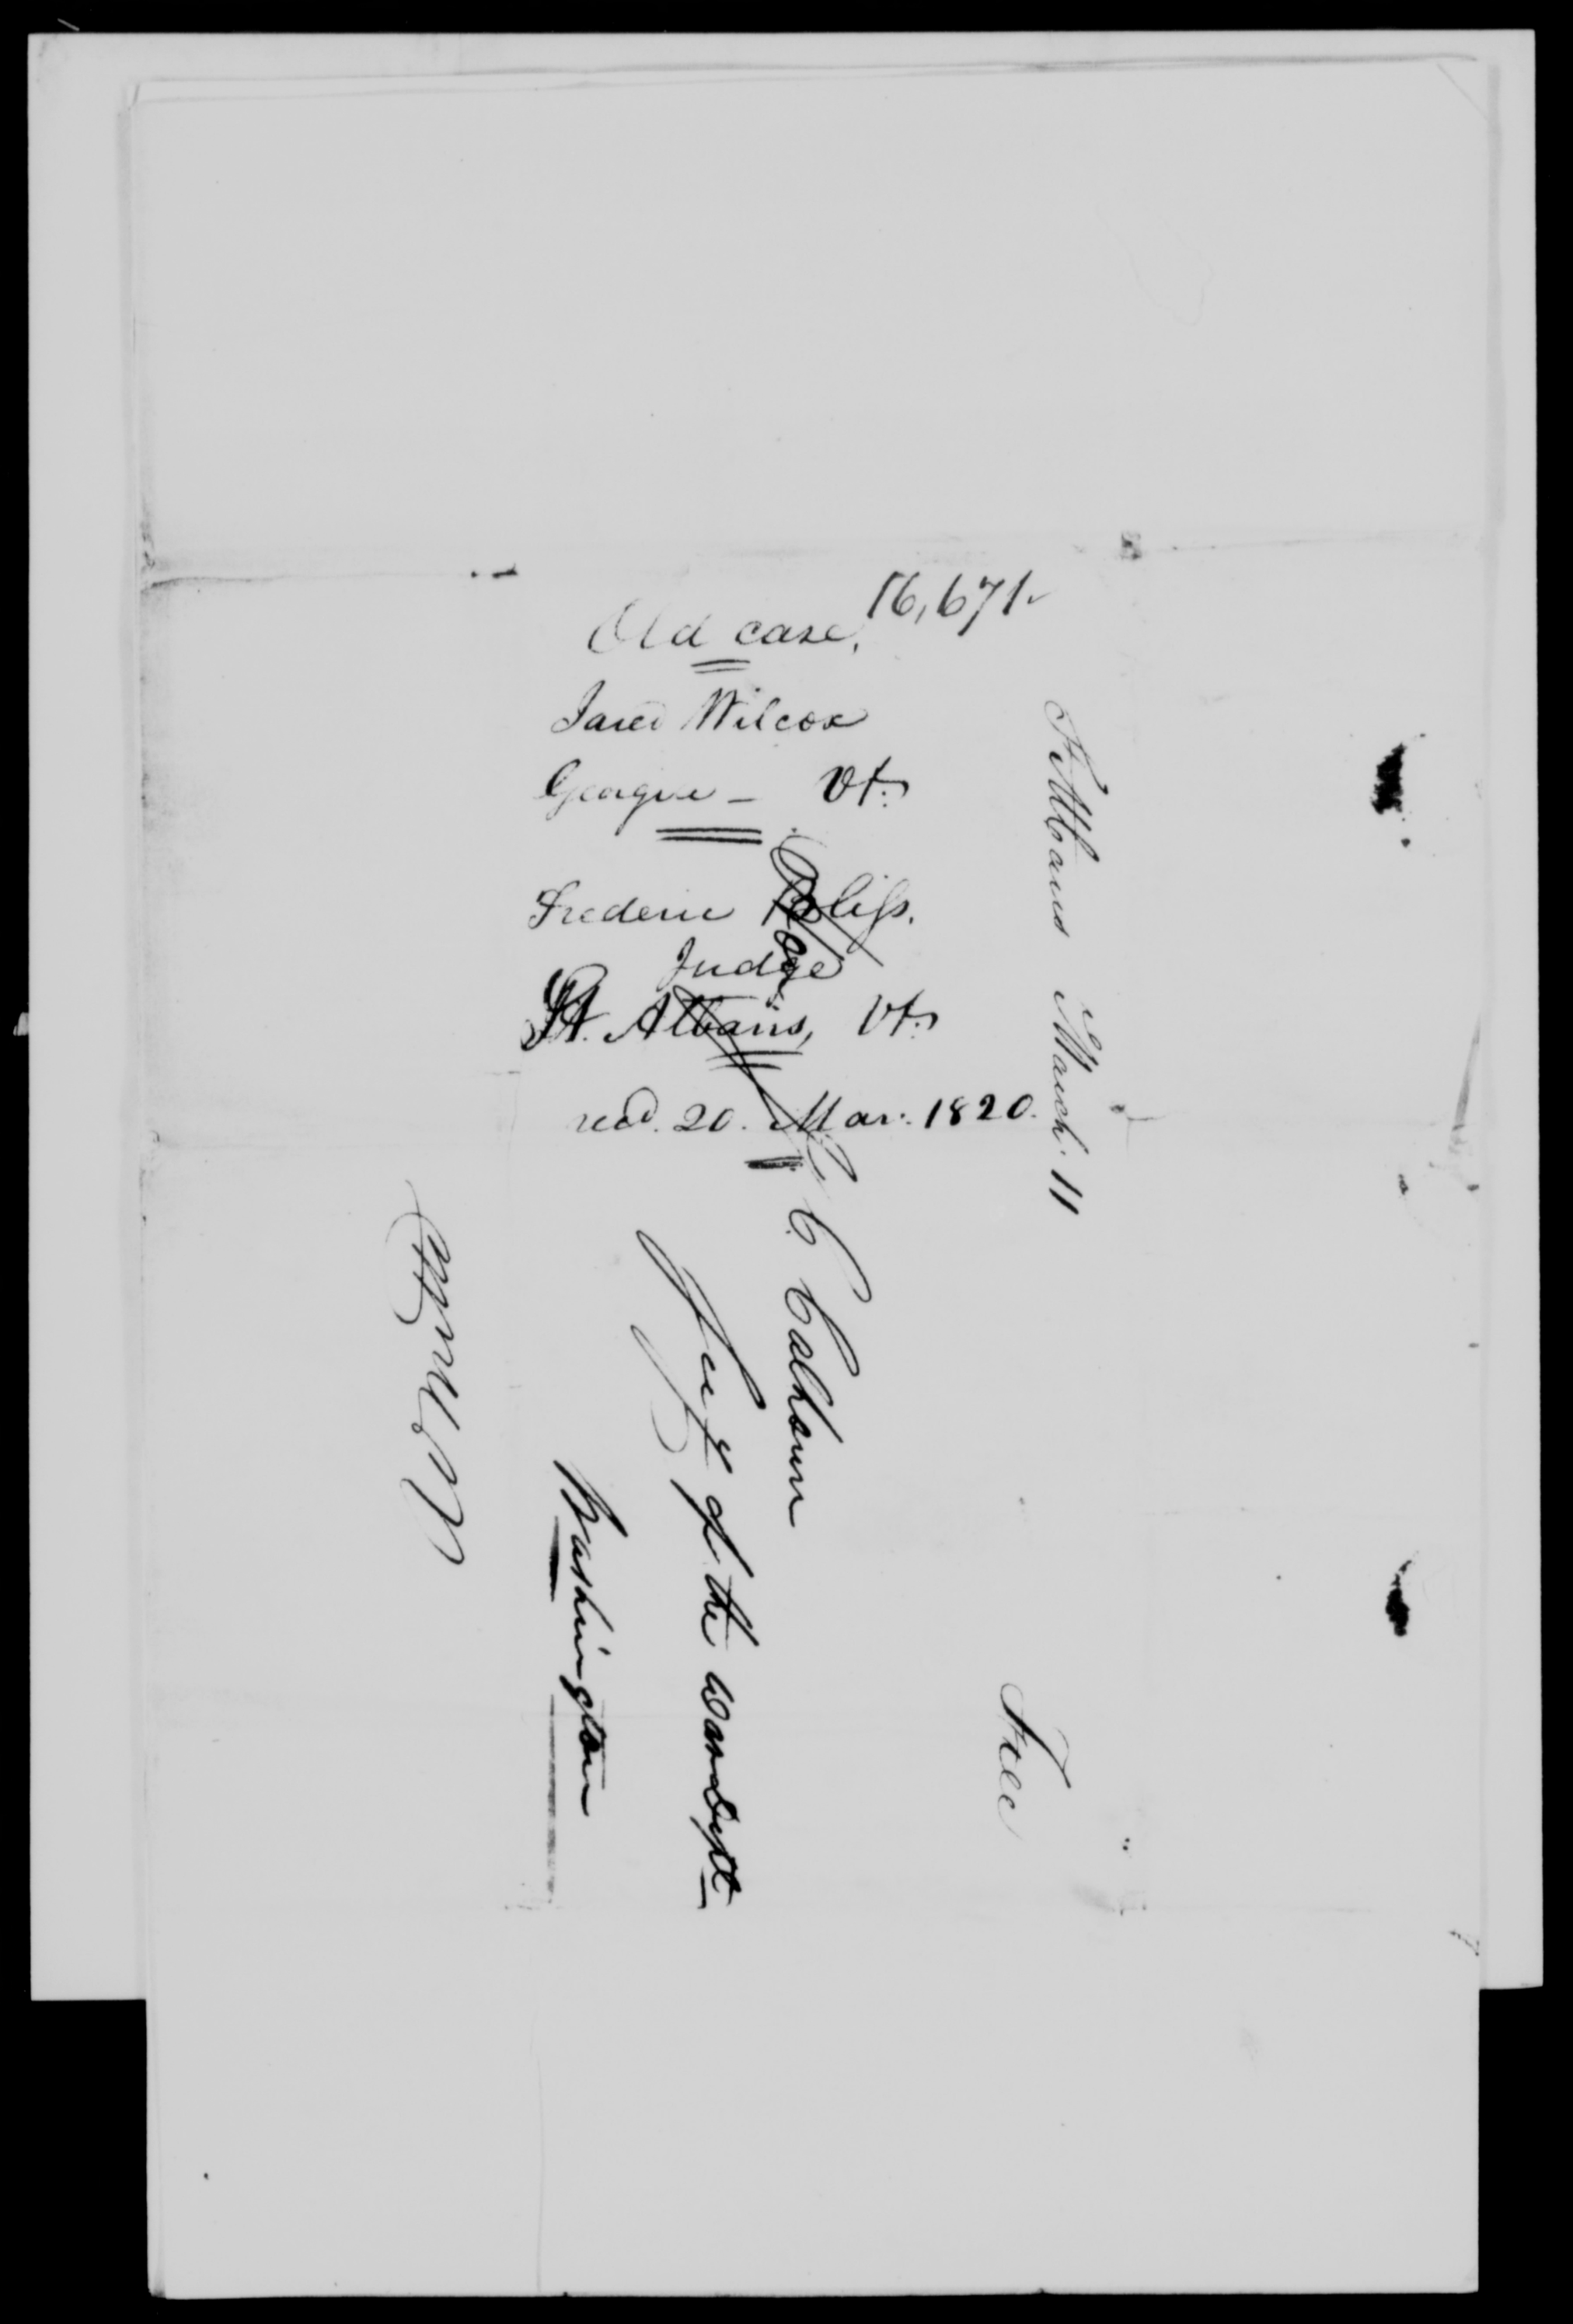[WRITTEN HORIZONTALLY]

16,67h
Old case,
Jared Wilcox
Georgia -- Vt

Frederic Bliss
Judge
St. Albans, Vt.
recd. 20. Mar. 1820


[WRITTEN VERTICALLY]

St Albans   March 11

Free

Hon. J. C. Calhoun
Secy of the War Dept
Washington

W Mitto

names: Frederic Bliss, J C Calhoun, Jared Wilcox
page: 25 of 34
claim: survivor's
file: S. 41337, Jared Wilcox, Continental Mass.